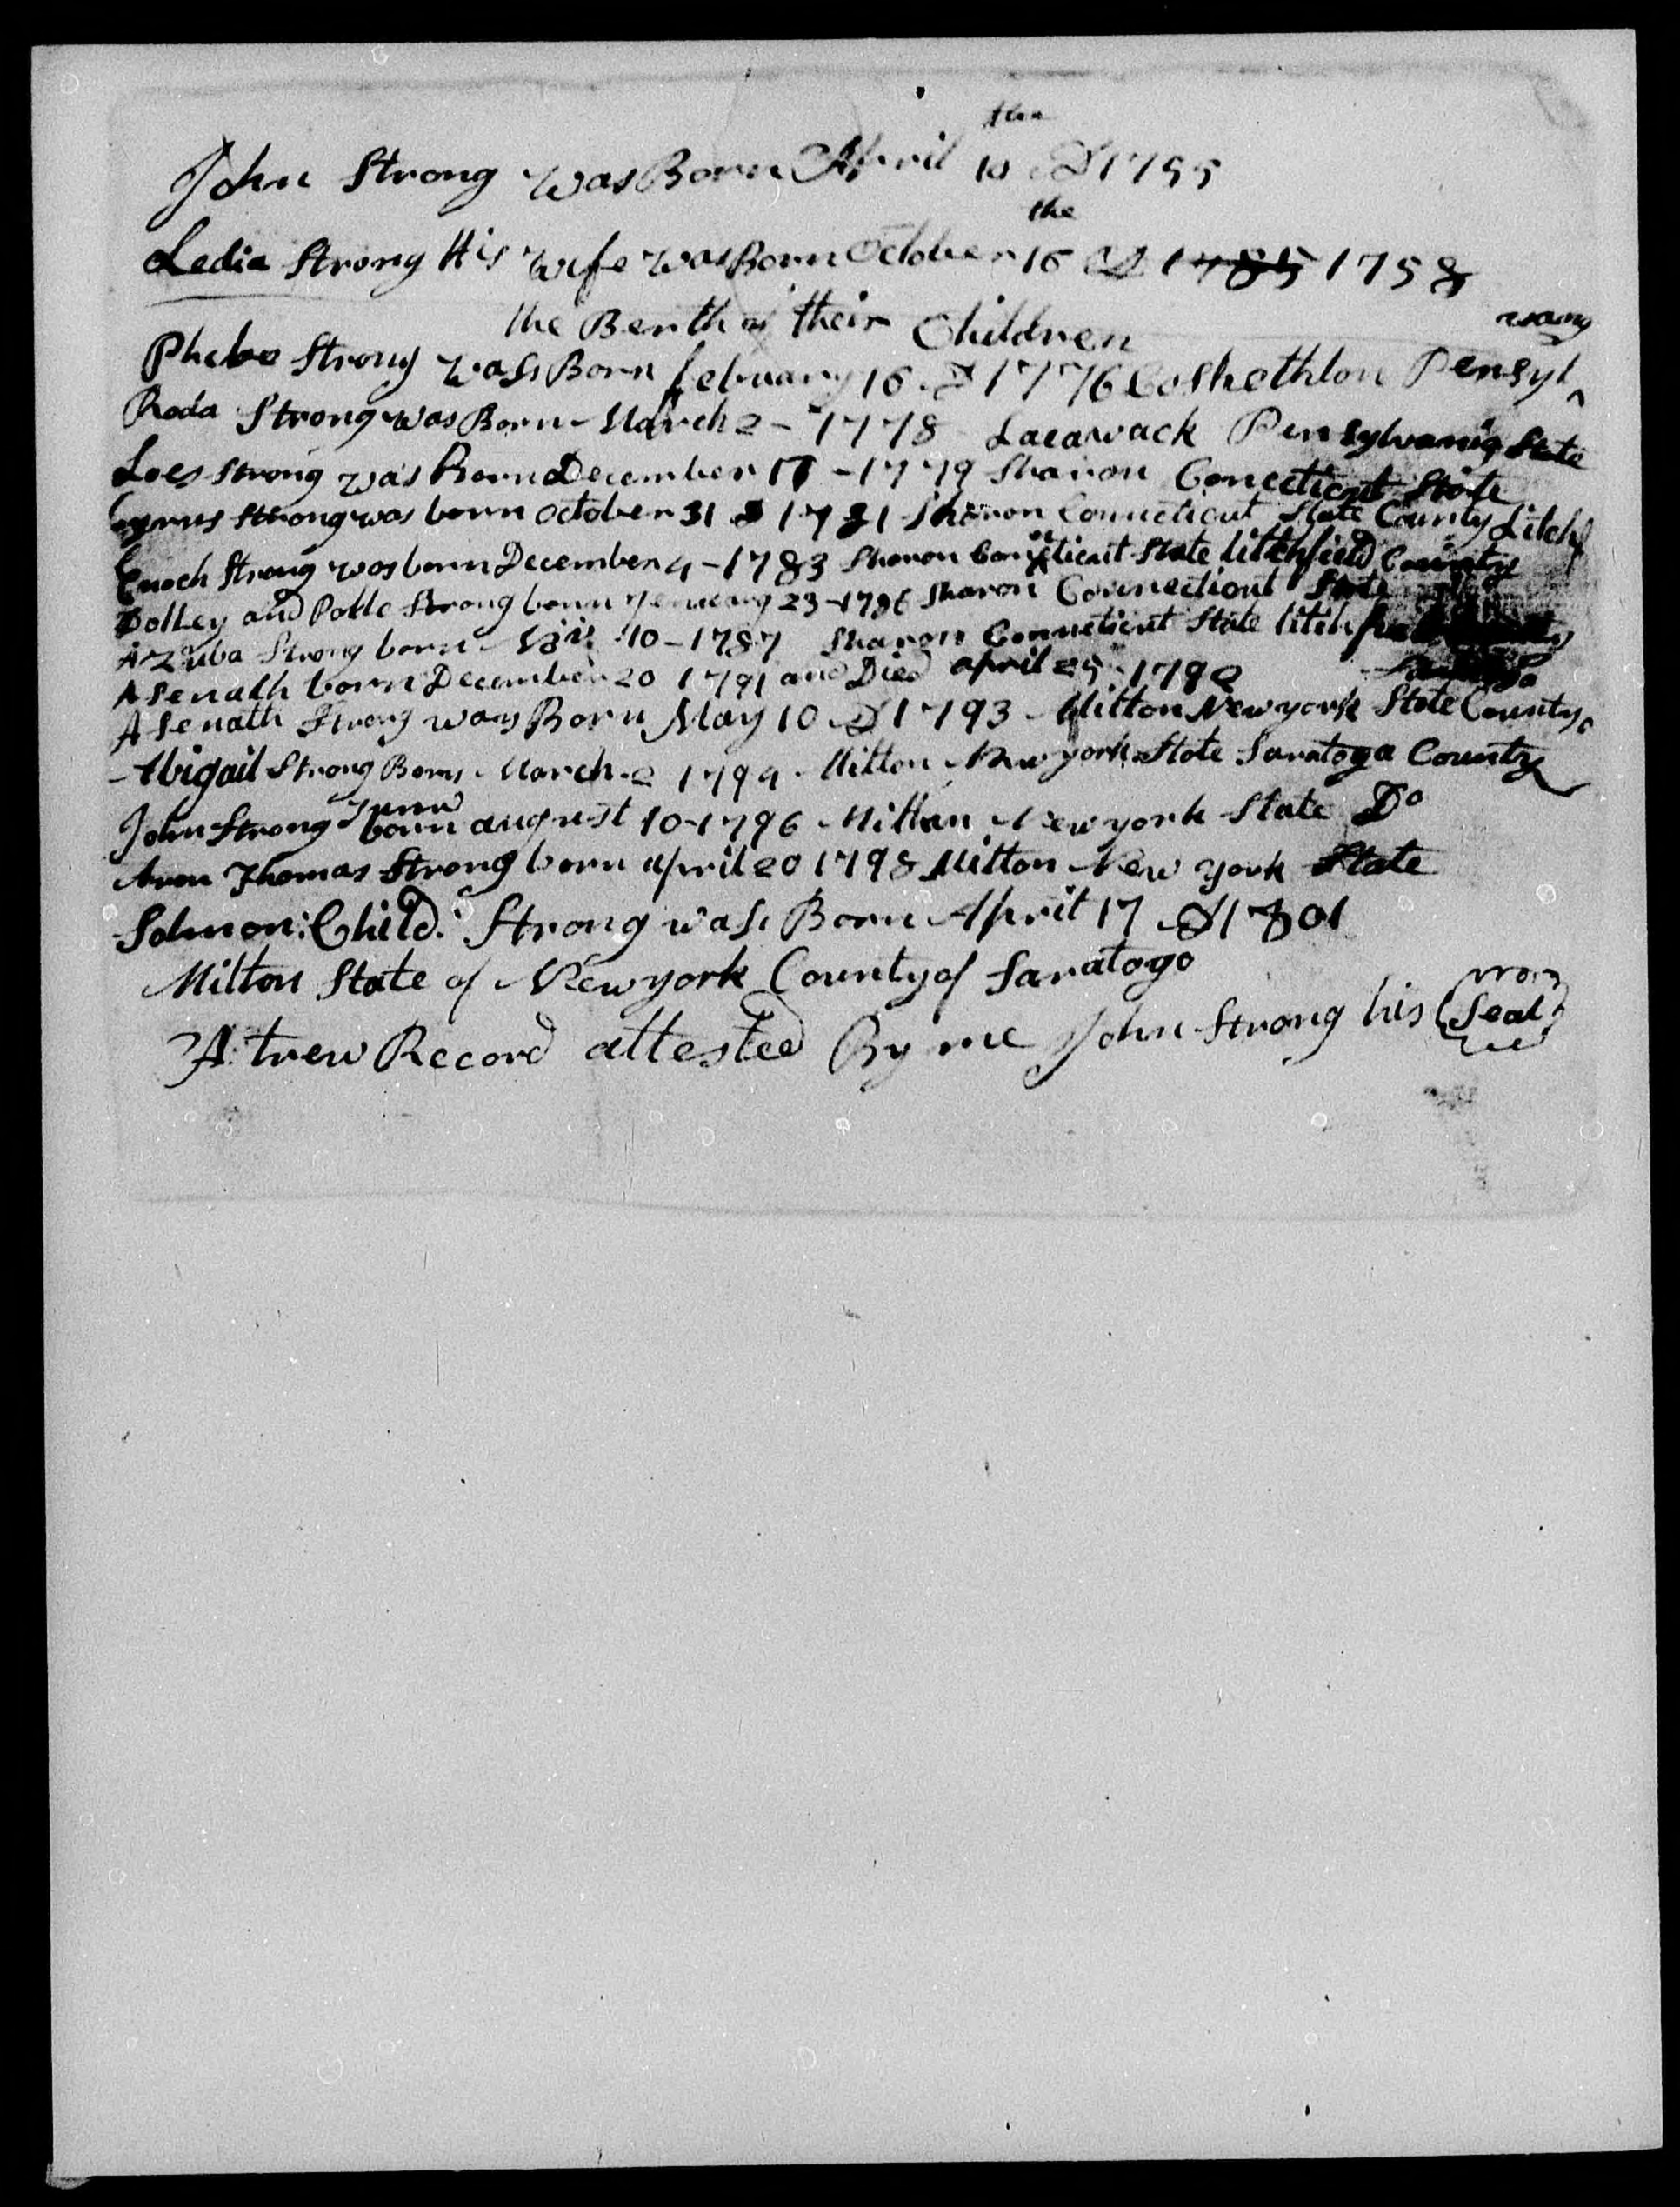John Strong was Born April the 10 1755 
Ledia Strong his wife was born October the 16. 1785 1758 
the berth of their Children 
Phebe Strong was Born Febuary 18, 1776 Coshethton Pennsylvania
Roda Strong was Born March 2 1778 Lacawack Pensylvania State
Loes Strong was Born December 17. 1779 Shanon Conecticut State
Cyrus Strong was born October 31  1721 Shanon Connecticut State County [Litchfield]
Enoch Strong was born December 4 1783 Shanon Connecticut State Litchfield County
Dolley and Polly Strong born February 23 – 1786  Shanon Connecticut State
Arzuba [?] Strong born Jan 10 1787 Shanon Connecticut Litchfield County
Asenath born December 20 1791 and Died April 25 1792
Asenath Strong was Born May 10 1793 Milton New York State Saratoga County 
Abigail Strong Born March 2 1799 Milton New York State Saratoga County 
John Strong [illegible] born August 10 1796 Milton New York State Do 
Aron Thomas Strong born April 20 1798 Milton New York State 
Solmon: Child: Strong was Born April 17 1801 
Milton State of New York County of Saratoga 
A true Record attested by me John Strong his seal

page: 13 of 33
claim: widow's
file: W. 4592, for John Strong, New York